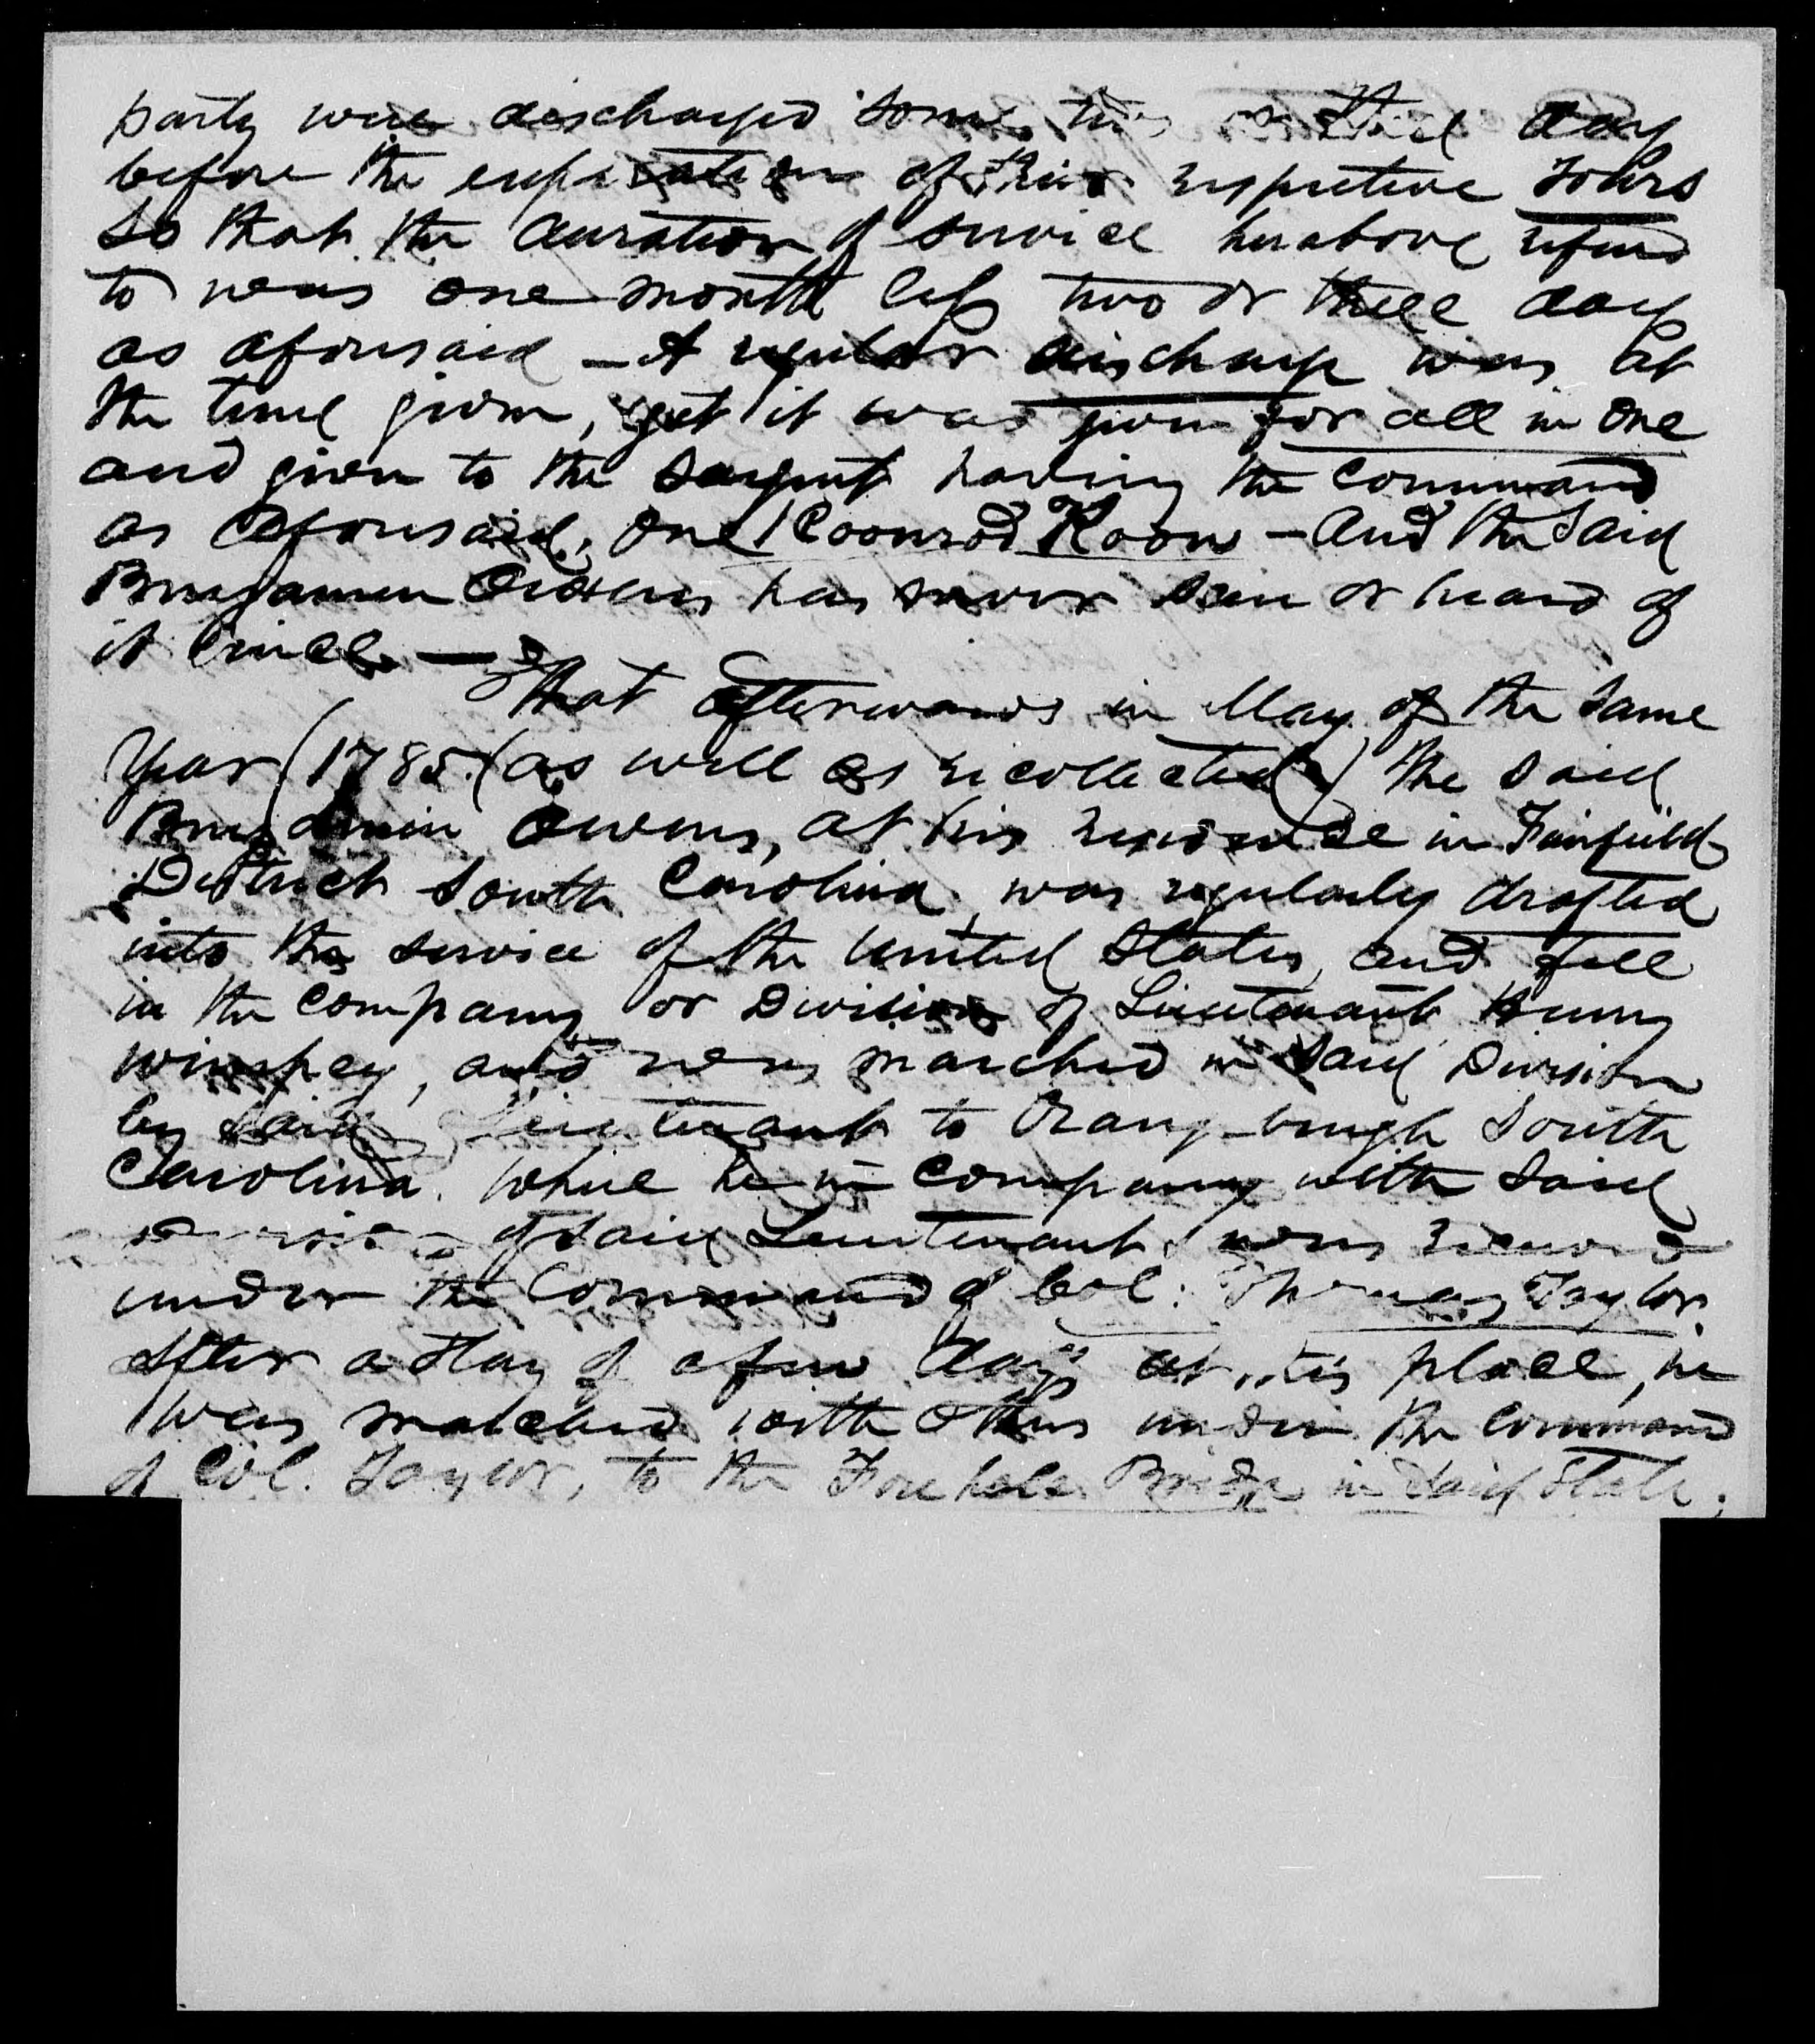party were discharged some two or three days before the expiration of their respective tours so that the duration of service his above refered to was one month less two or three days as aforesaid -- A regular discharge was at the time given, yet it was given for all in one and given to the sargent having the command as aforesaid, one Roonsad Koon - And the said Benjamin Owens has never seen or heard of it since -- 
That afterwards in May of the same year (1785. (as well as recollected) the said Benjamin Owens, at his residence in Fairfield District South Carolina was regularly drafted into the service of he United States, and fell in the company or Division of Lieutenant Henry Wimpey, and was marched in said Division by said Lieutenant to Orangeburgh South Carolina.  Where he in company with said Division of said Lieutenant was served under the Command of Col: Thomas Taylor. After a stay of a few days at this place, he was marched with others under the command of Col. Taylor, to the Forehole Bridge in said State;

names: Henry Wimpey; Benjamin Owens; Thomas Taylor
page: 5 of 28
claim: rejected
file: R. 7846, for Benjamin Owens, South Carolina